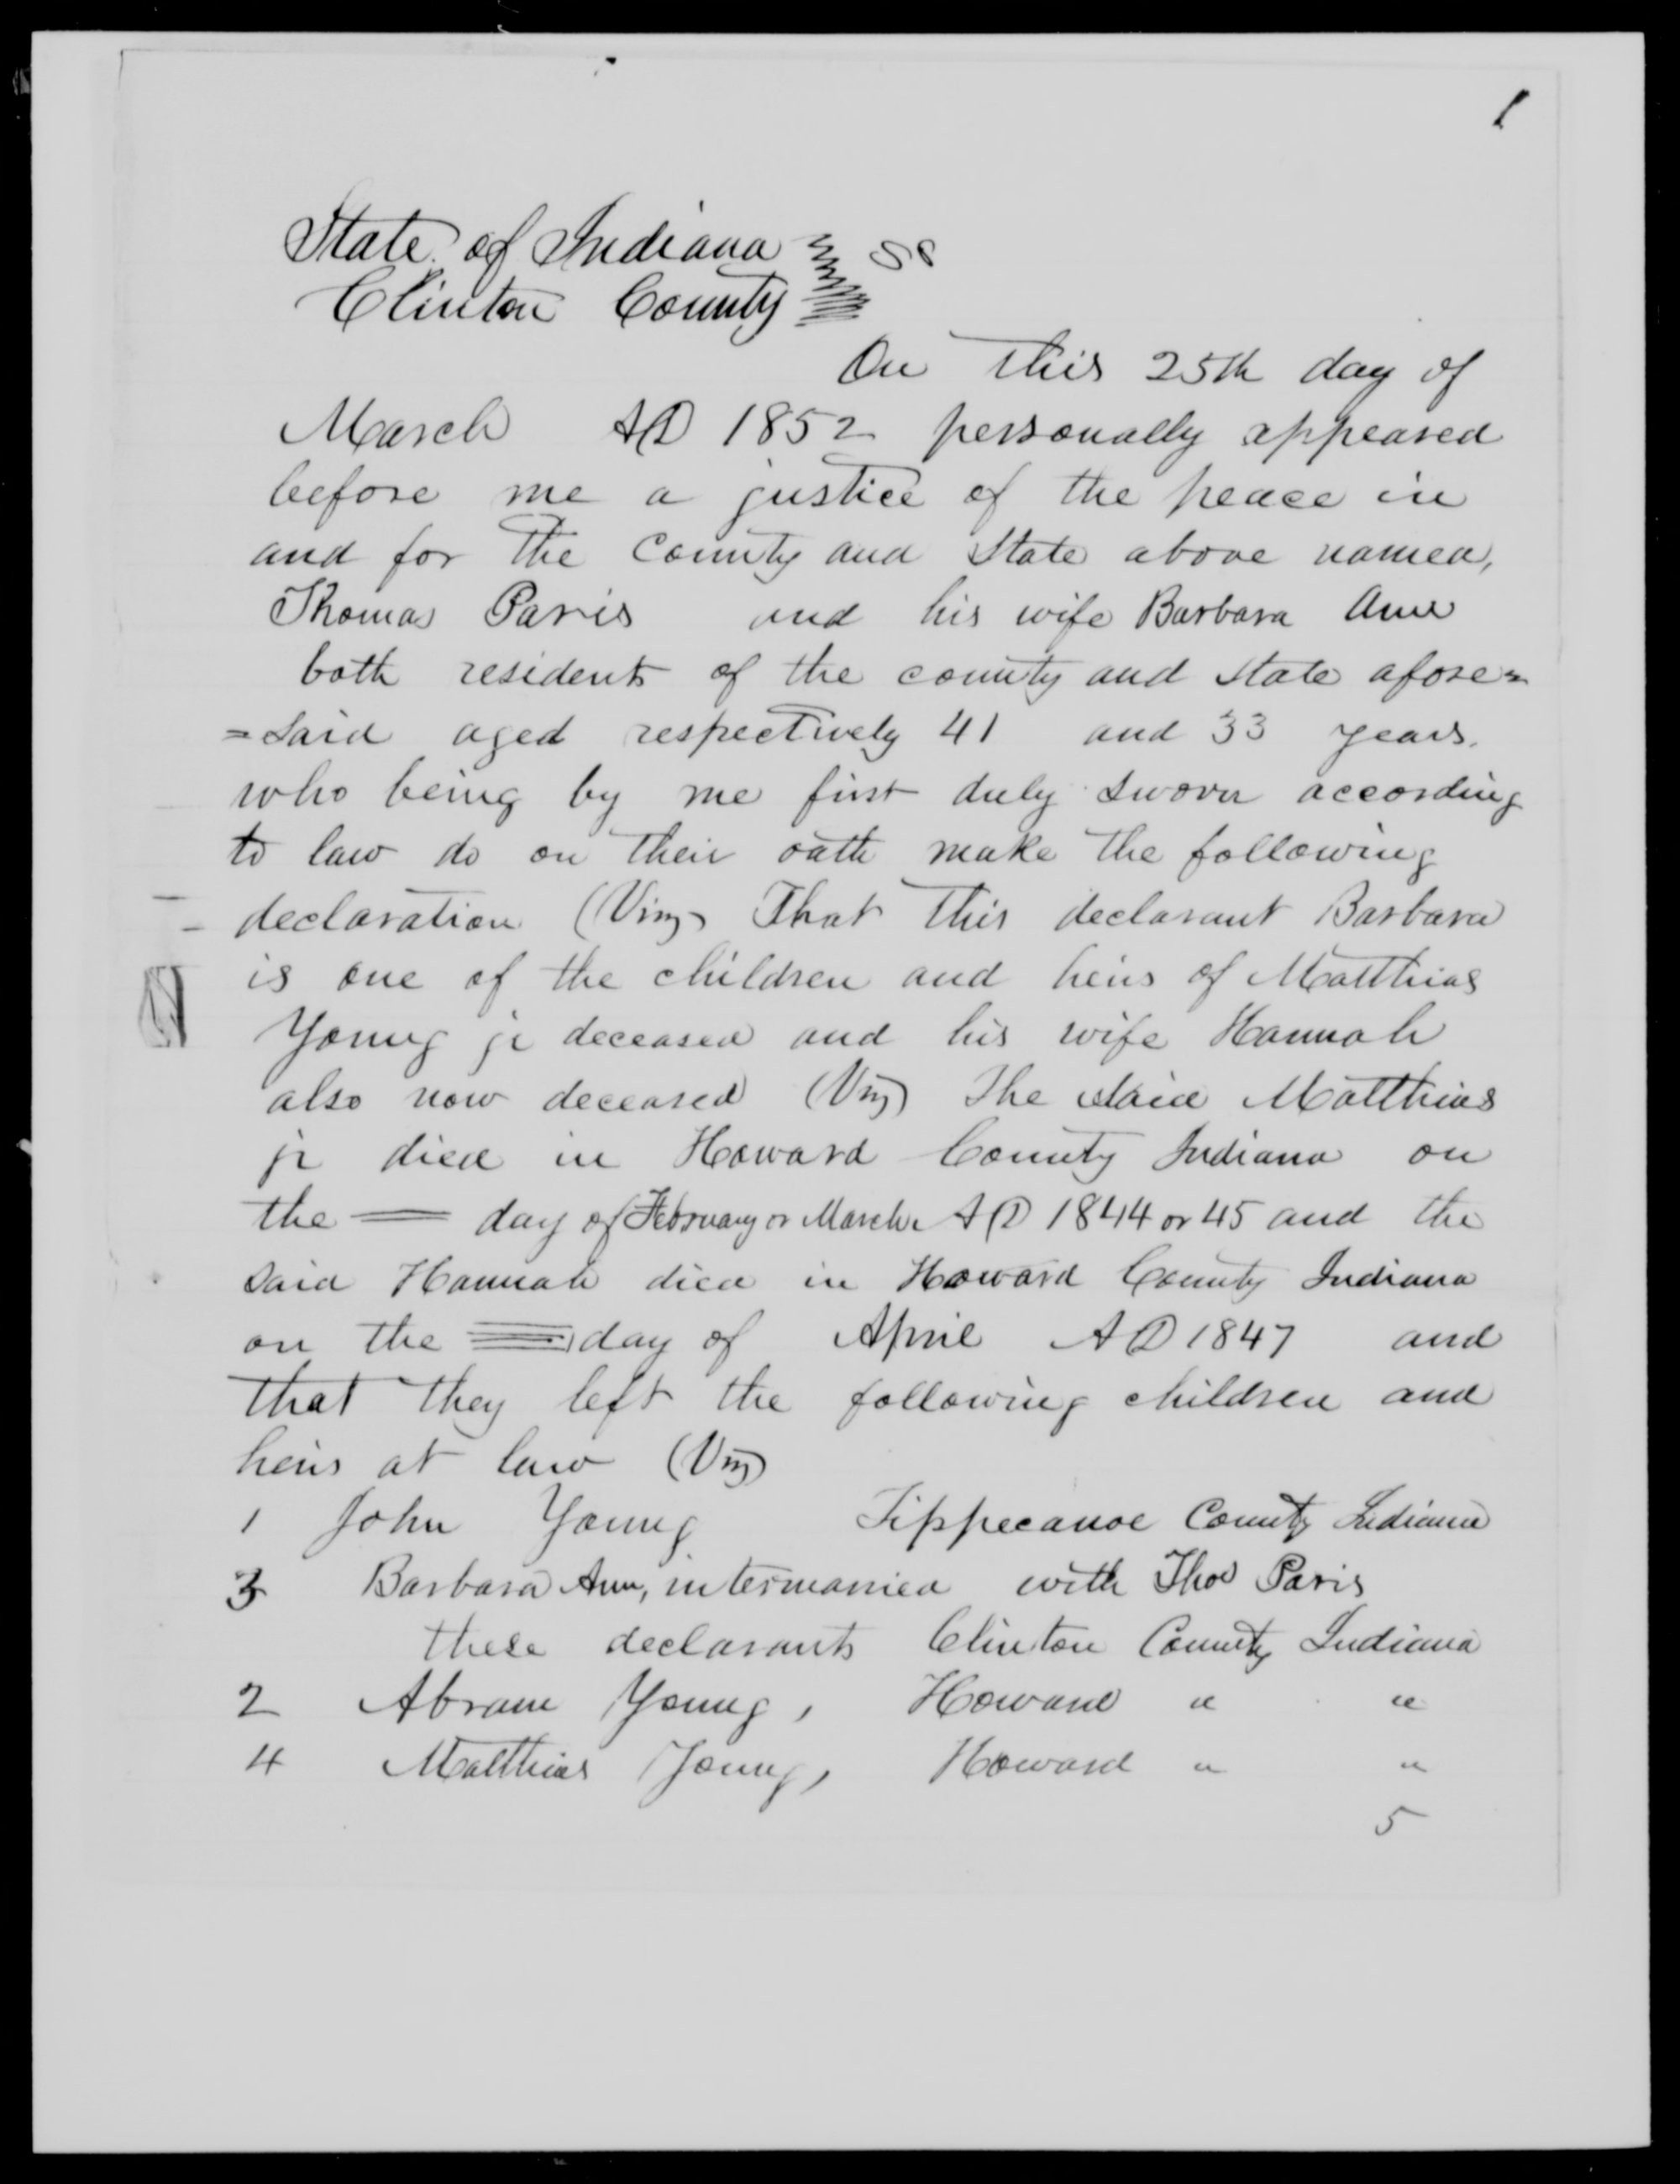1
State of Indiana Clinton County SS
On this 25th day of March
AD 1852 personally appeared
before me a justice of the peace in
and for the County and State above named,
Thomas Paris and his wife Barbara Ann
both residents of the County and State aforesaid, 
aged respectively 41 and 33 years
who being by me first duly sworn according to
law do on their oath make the following
declaration (Viz) That this declarant Barbara
is one of the children and heirs of Matthias
Young Jr deceased and his wife Hannah
also now deceased (Viz) The said Matthias
jr died in Howard County Indiana on
the [blank] day of February or March AD 1844 or 45 and the said Hannah died in Howard County Indiana
on the [blank] day of April AD 1847 and
that they left the following children and
heirs at law (Viz)
1 John Young Tippecanoe County Indiana
2 Barbara Ann, intermarried with Thos Paris
these declarants, Clinton County Indiana
2 Abram Young, Howard [County Indiana]
4 Mathias Young, Howard [County Indiana]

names: Thomas Paris, Hannah, Matthias Young, Abram Young, John Young, Barbara, Barbara Ann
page: 88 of 123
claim: rejected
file: R. 11,949, Matthias Young, Md.